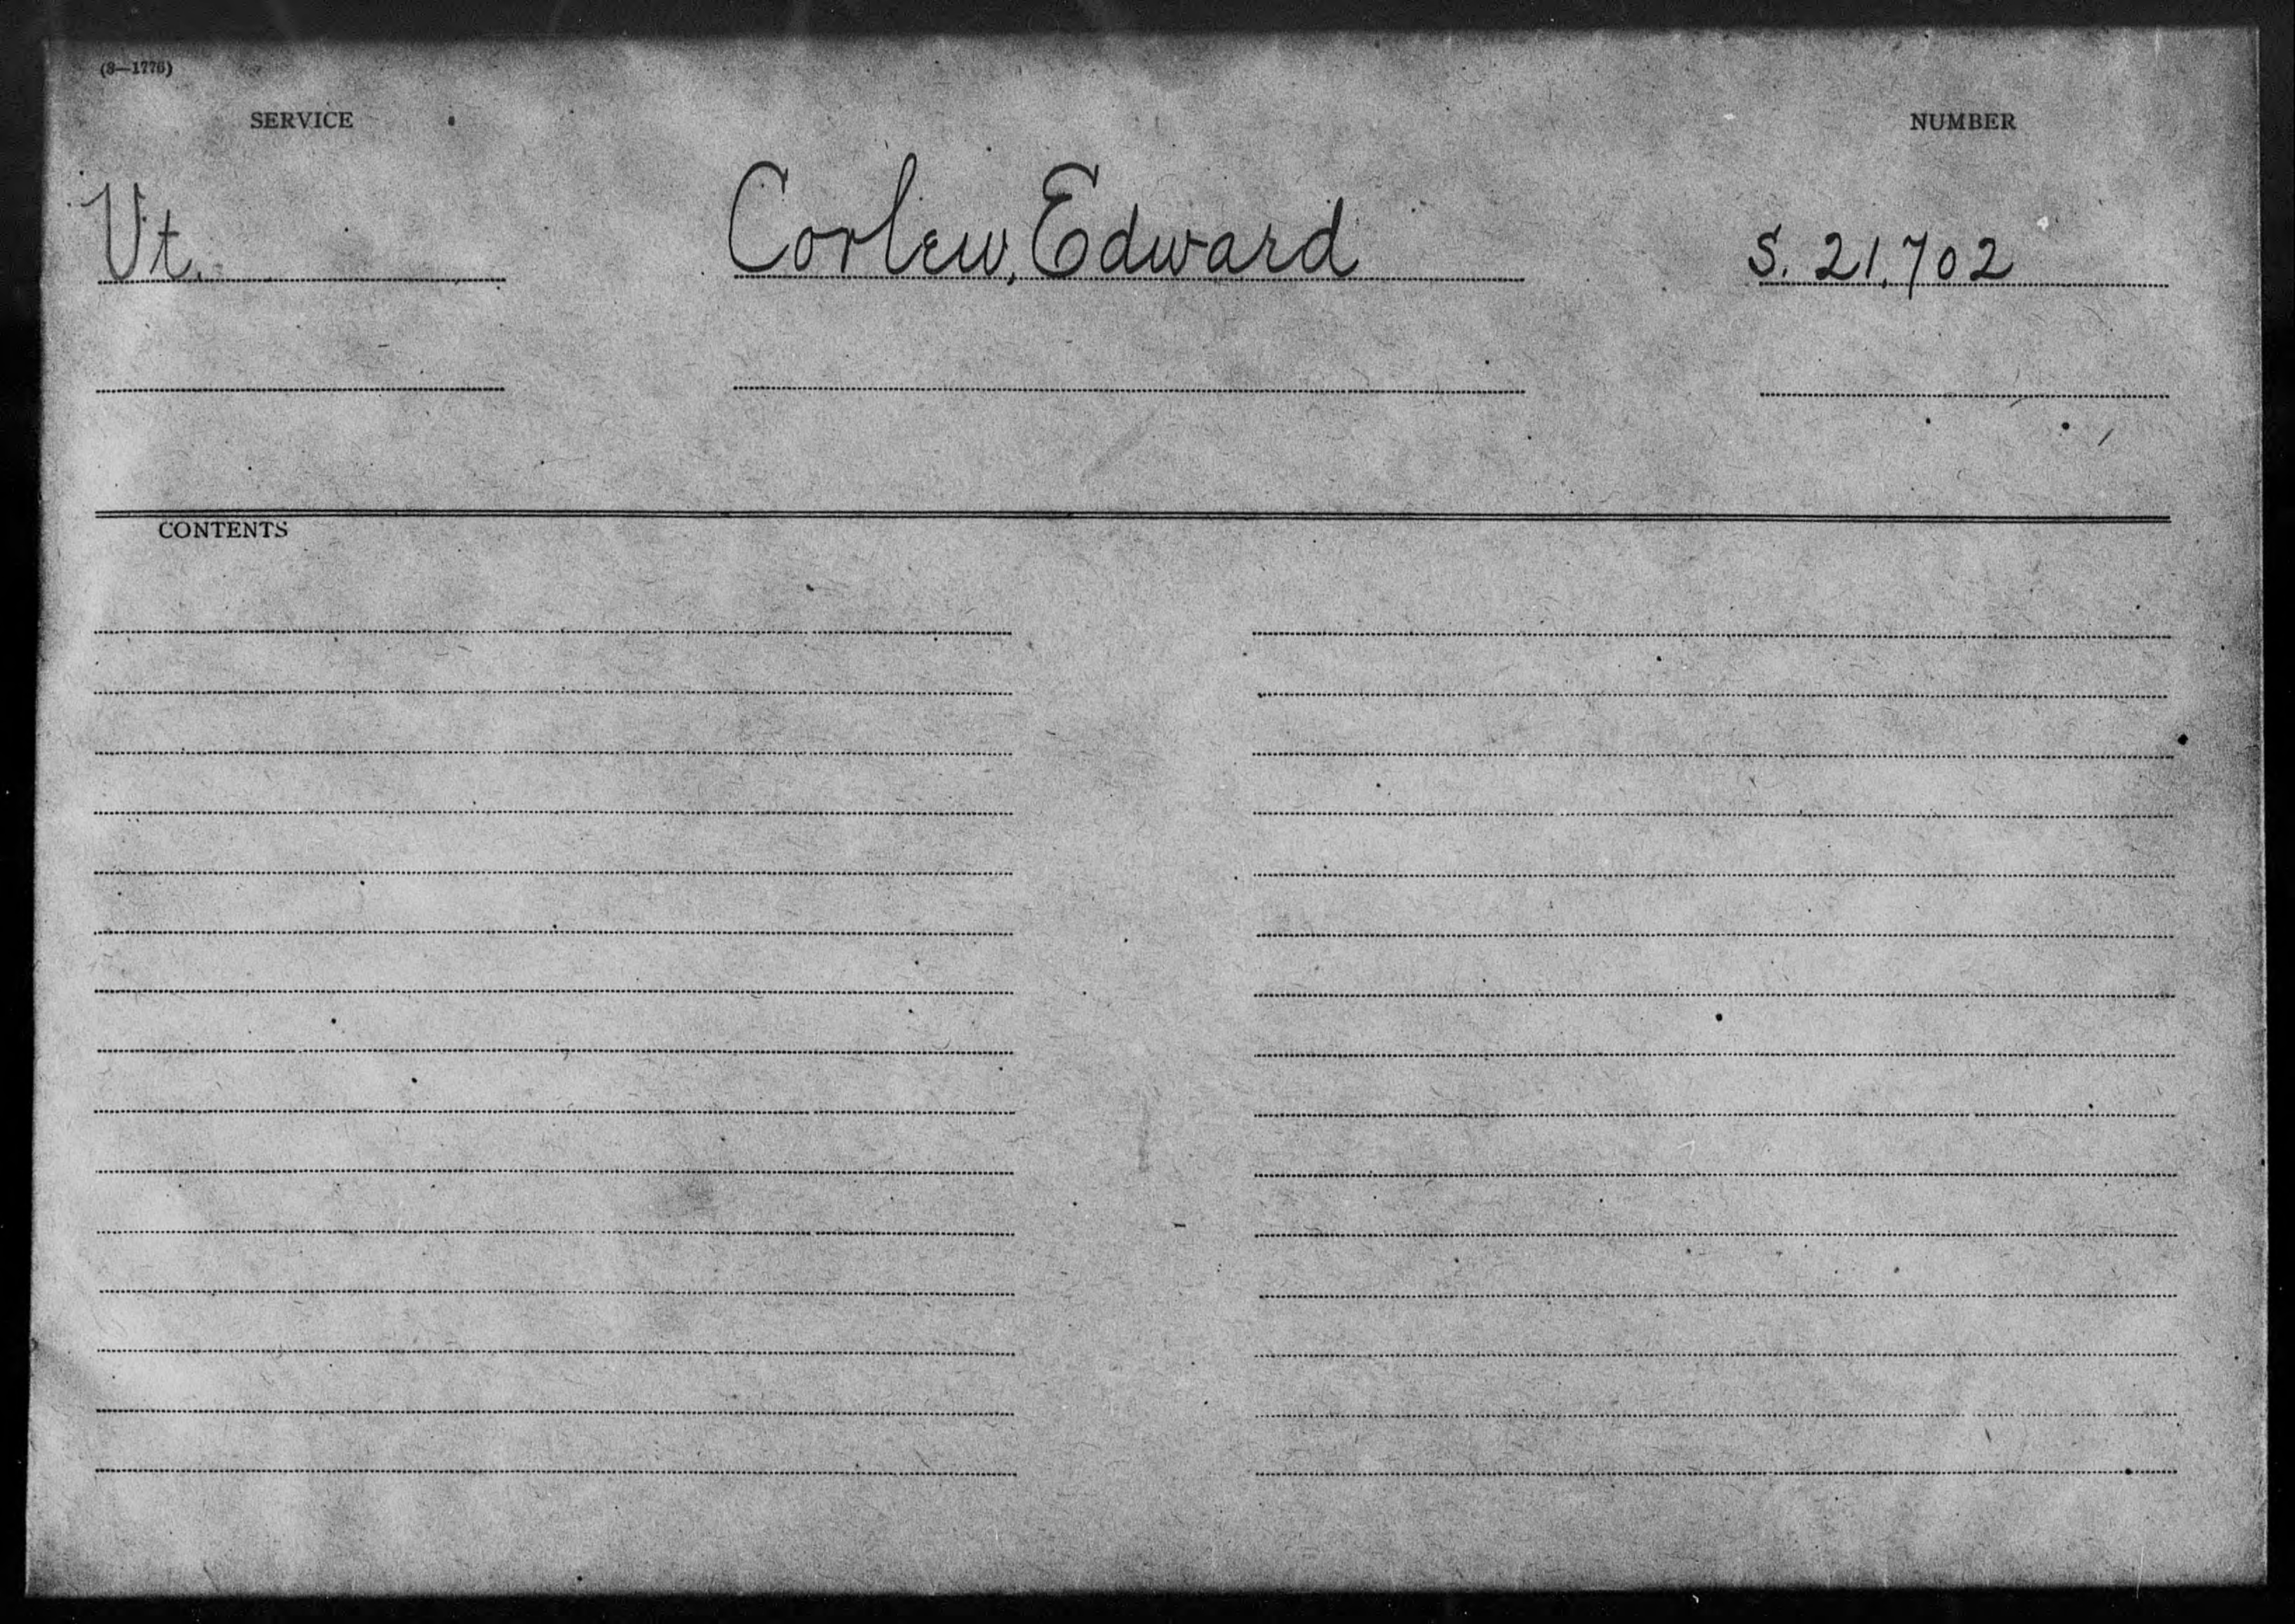(3-1776)

[column headings: SERVICE|[blank]|NUMBER|]
Vt.|Corlew, Edward|S. 21.702|

CONTENTS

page: 1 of 18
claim: survivor's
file: S. 21,702, Edward Corlew, Vt.